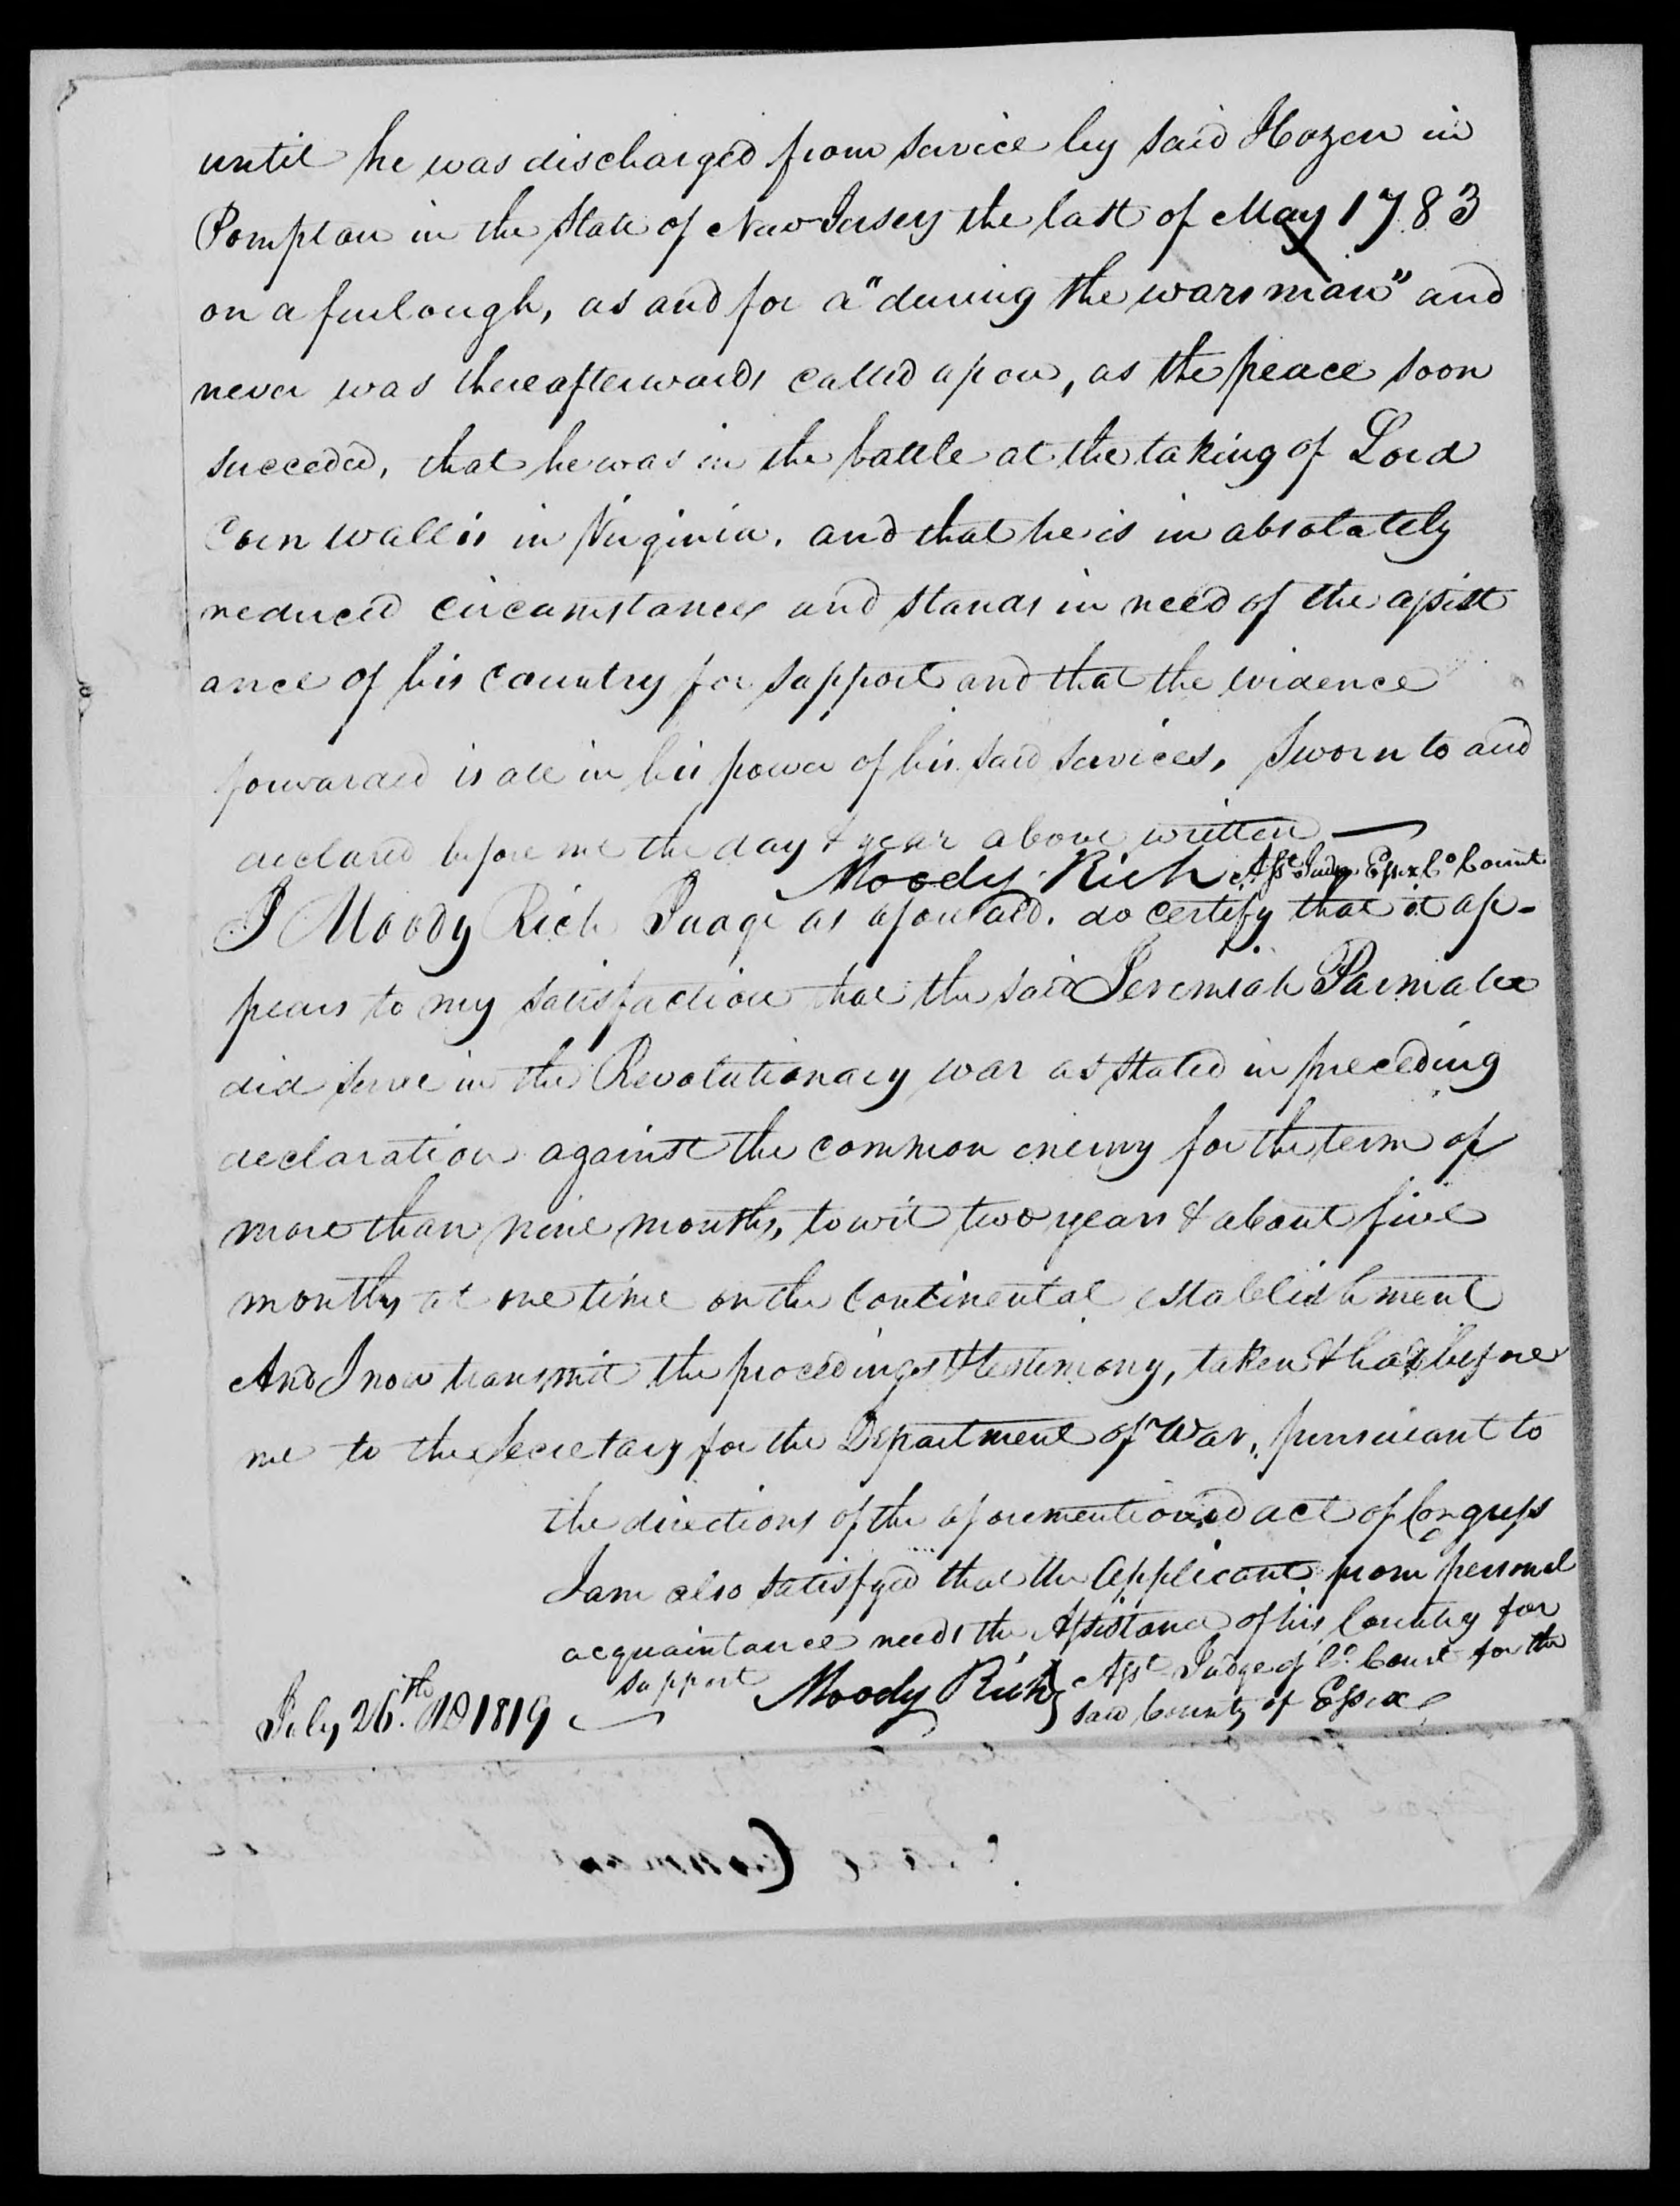until he was discharged from service by said Hazen in Pompton in the State of New Jersey the last of May 1783 on a furlough, as and for a “during the wars man” and never was thereafterwards called upon, as the peace soon succeded, that he was in the battle at the taking of Lord Cornwallis in Virginia, and that he is in absotutely reduced circumstances and stands in need of the assistance of his country for support and that the evidence forwarded is all in his power of his said services. Sworn to and declared before me the day & year above written—
Moody Rich Asst Judge Essex Co Court
I Moody Rich Judge as aforesaid, do certify that it appears to my satisfaction that the said Jeremiah Parmalee did serve in the Revolutionary war as stated in preceding declarations against the common enemy for the term of more than nine months, to wit two years & about five months at one time on the continental establishment. And I now transmit the procedings & testimony taken that before me to the Secretary for the Department of War, persuiant to the directions of the aforementioned act of Congress. I am also satisfied that the applicant from personal acquaintance needs the assistance of his Country for support.
Moody Rich, Asst Judge Co Court for the Said County of Essex
July 26th AD 1819–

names: [BLANK] Hazen; Moody Rich; Jeremiah Parmalee; [BLANK] Cornwallis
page: 6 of 11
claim: survivor's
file: S. 41,048, for Jeremiah Parmalee, Connecticut